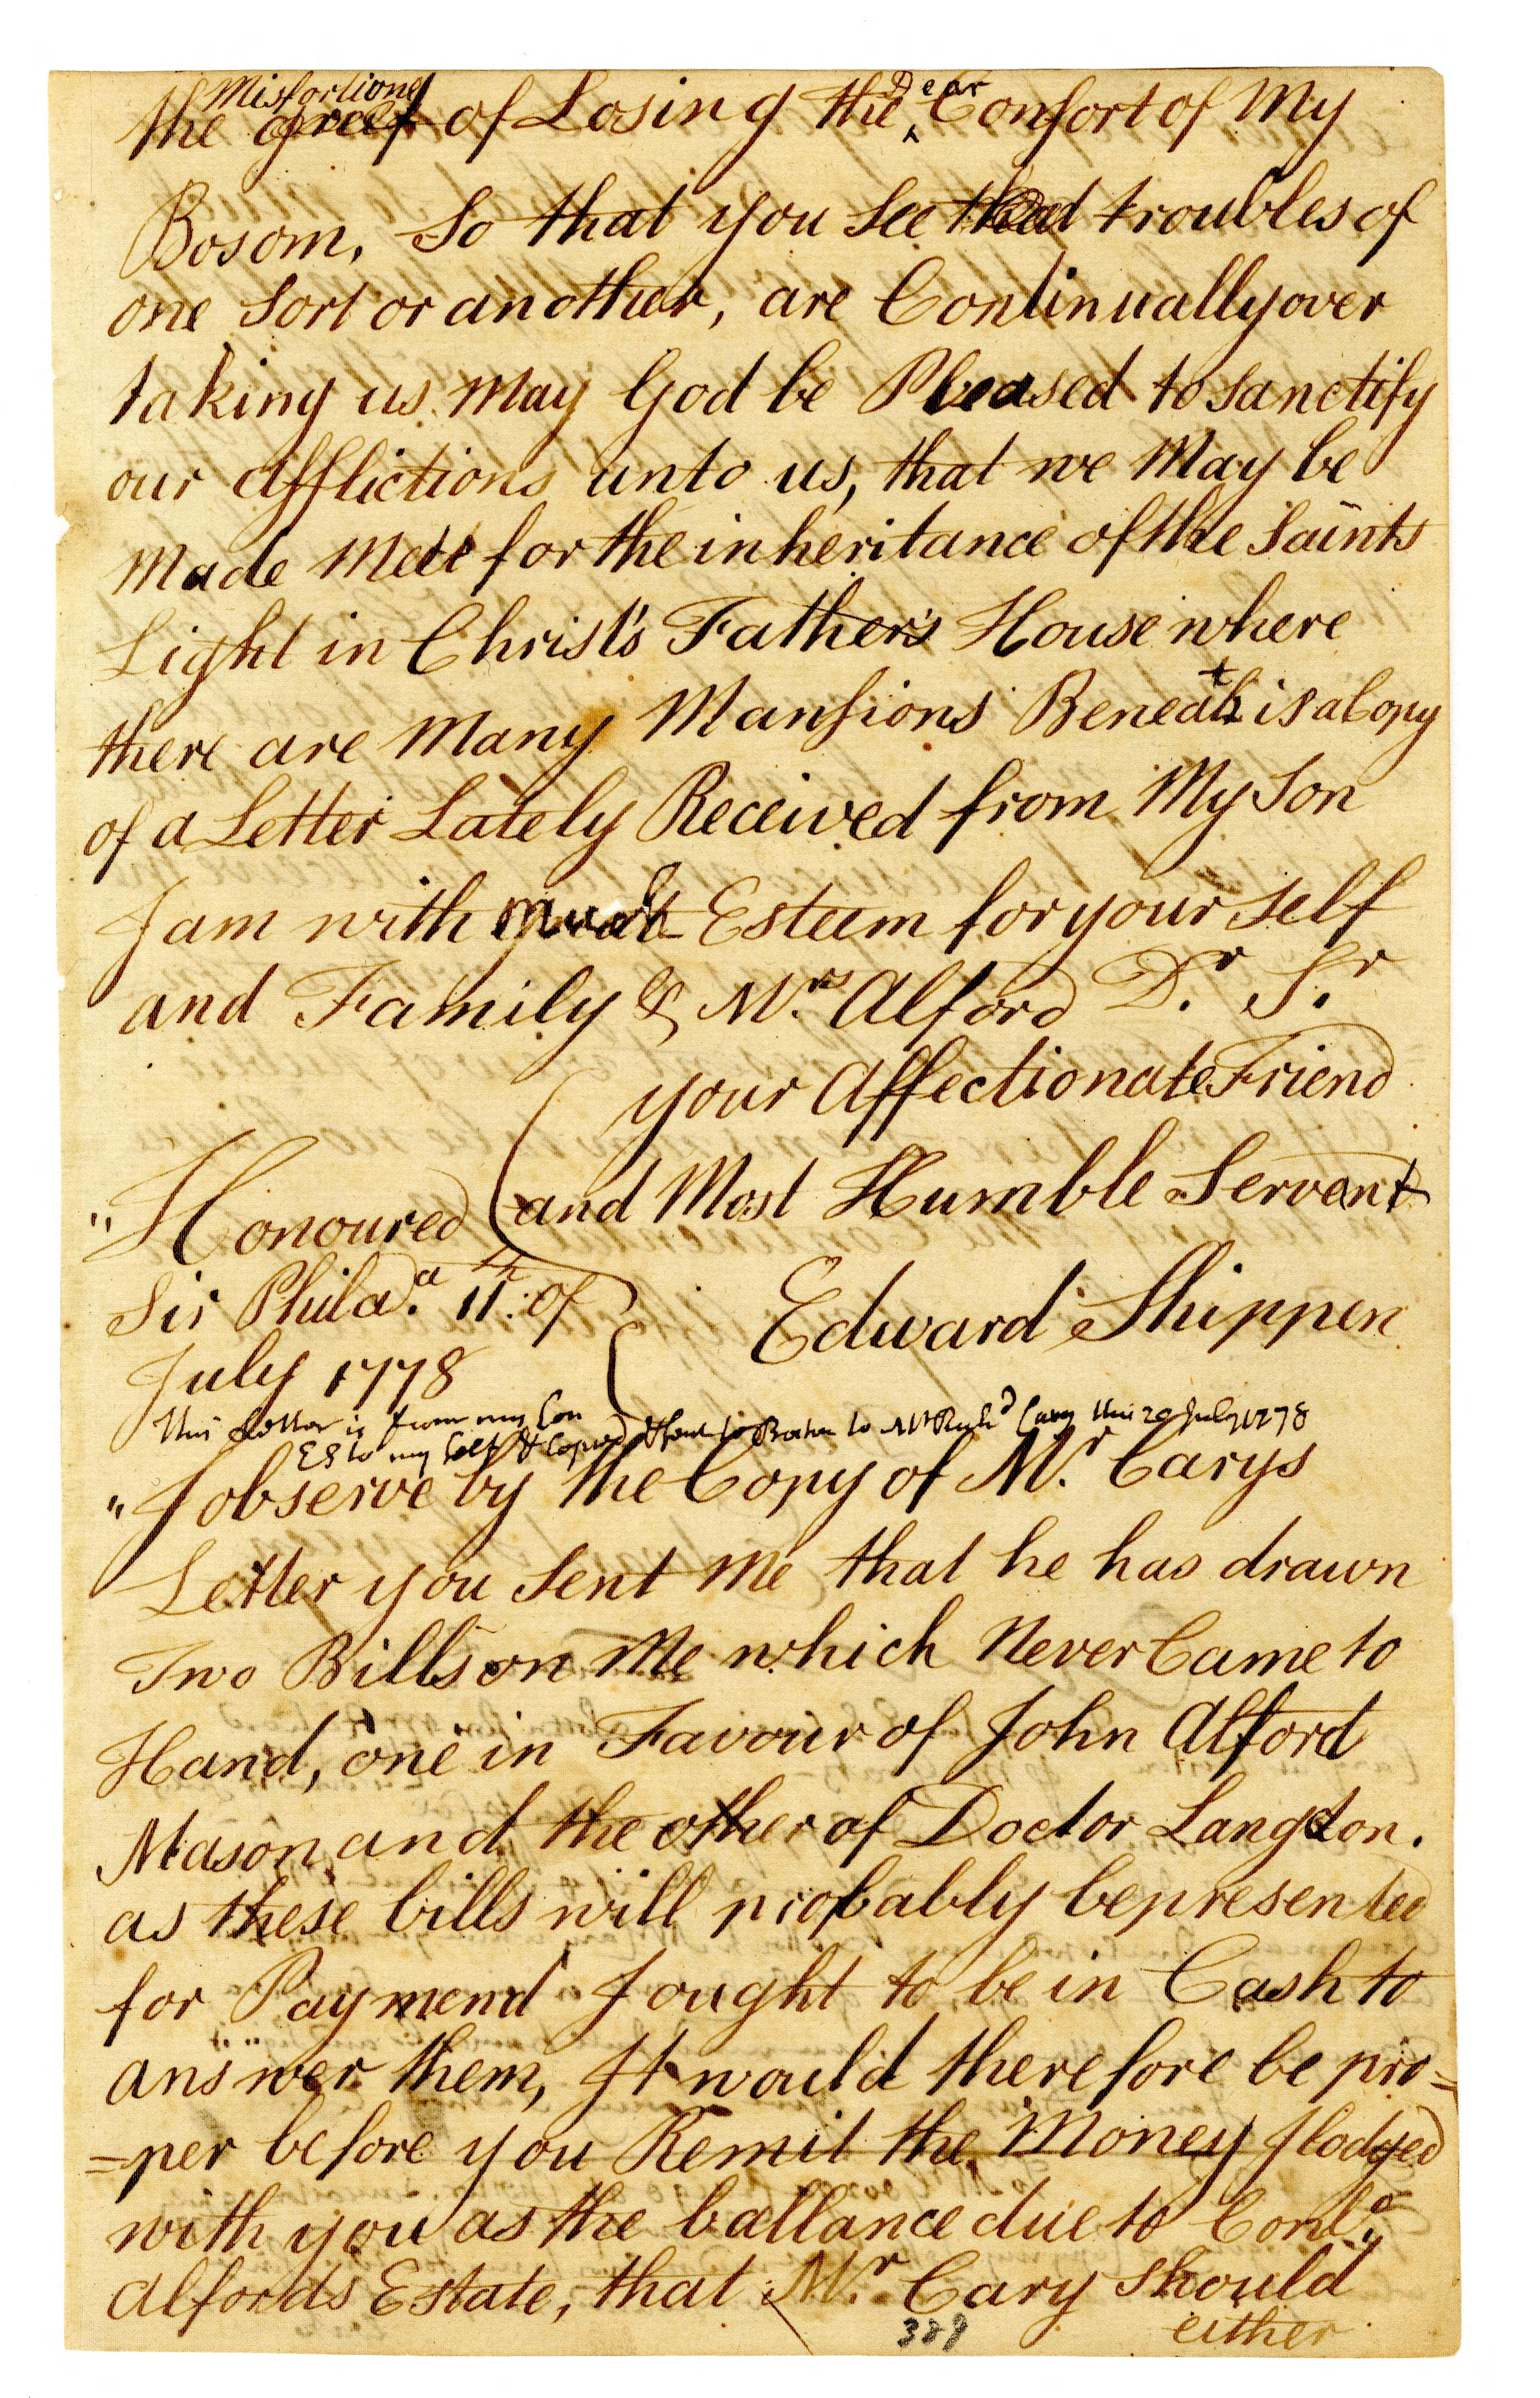Misfortune
Dear
the [greif] of Losing of the ^ Confort of My
Bosom, so that you see [that] troubles of
one Sort or another, are Continually over
taking us may God be Pleased to Sanctify
our Afflictions unto us, that we May be
Made Mett for the inheritance of the Saints
Light in Christ's Fathers House where
t
there are Many Mansions Beneah is a Copy
of a Letter Lately Received from My Son
I am with [Much] Esteem for your self
and Family & M^rs. Alford D^r. S.
your Affectionate Friend
and Most Humble Servant
Edward Shippen
Honoured
Sir Phila^a. 11: of
July 1778
This Letter is from my Son
ES to my Self & Copied & sent to Boston to M^r Rich^d Copy this 20 July 1778
"I observe by the Copy of M^r. Carys
Letter You sent me that he has drawn
Two Bills on Me which Never Came to
Hand, one in Favour of John Alford
Mason and the other of Doctor Langdon.
as these bills will probably be presented
for Payment I ought to be in Cash to
Answer them, It would therefore be pro-
-per before You Remit the Money I lodged
with You as the ballance due to Conl^o.
Alfords Estate, that M^r. Cary Should
either